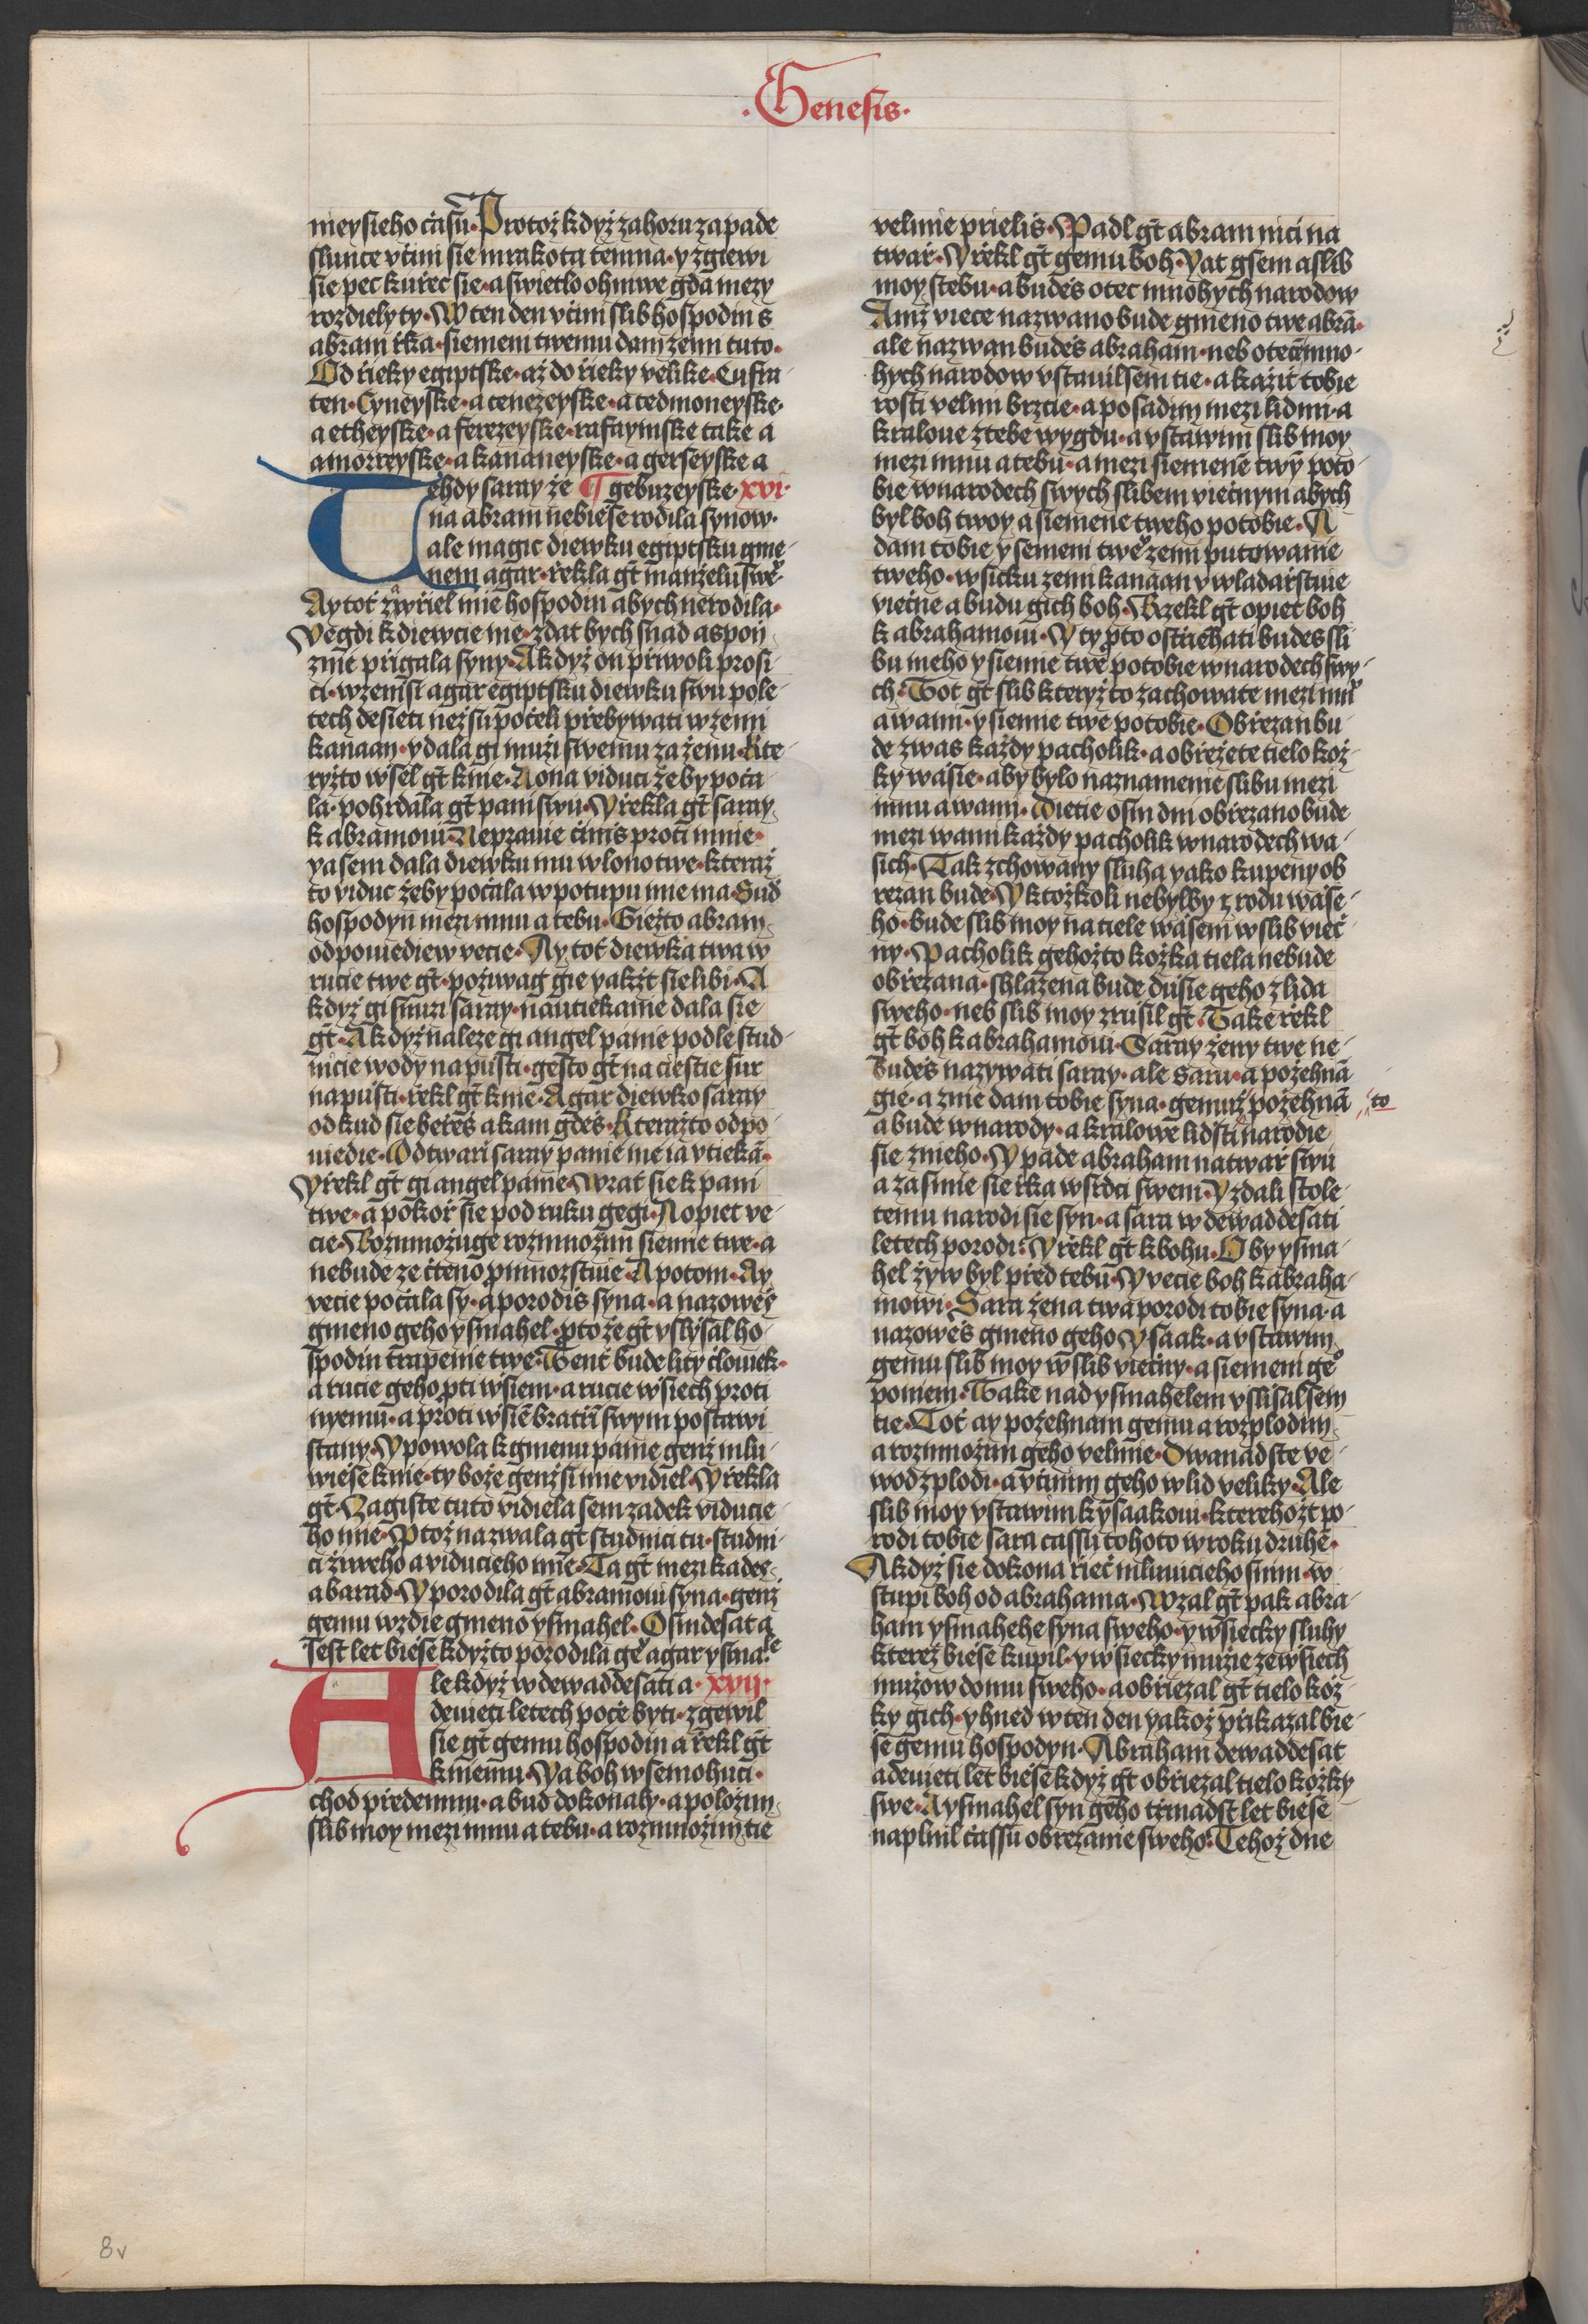.Geneſis.
nieyſieho ċaſu.Protoż kdyż zahoru zapade
ſlunce vċini ſie mrakota temna.y zgiewi
ſie pec kuṙec ſie.a ſwietlo ohniwe gda mezy
rozdiely ty.Wten den vċini ſlib hoſpodin s
abram ṙka.ſiemem twemu dam zemi tuto.
Od ṙieky egiptſke.aż do ṙieky velike.eufra¬
ten.Cyneyſké.a cenezeyſke.a tedmoneyſke.
a etheyſke.a ferezeyſke.rafaymſke take a
amozreyſke.a kananeyſke.a gerſeyſke a
Eehdy ſaray że gebuzeyſke.xvi.
na abram nebieẛe rodila ſynow.
ale magic diewku egiptſku gme¬
vieui agar.ṙekla ḡt manżelu ſwev
Ay toṫ zawṙiel mie hoſpodin abych nerodila.
Vegdi kdiewcie me.zdat bych ſnad aspoṅ
zníe pṙigala ſyny.Akdyż on pṙiwoli proſi¬
cí.wzemẛi agar egiptſku diewku ſwu pole¬
tech deſieti neż ſu poċeli pṙebywati wzemi
kanaan.ydala gi mużi ſwemu za żenu.Kte¬
ryżto wẛel ḡt kníe.A ona viduci żeby poċa¬
la.pohrdala ḡt paní ſwu.Yṙekla ḡt ſaray
k abramovi.Neprauie ċiniṡ proti mnie.
yaſem dala diewku mu wlono twe.kteraž
to viduc żeby poċala wpotupu mie ma.Suḋ
hoſpodyn mezi mnu a tebu.Gíeżto abram
odpouiediew vecie. Ay toť diewka twa w
rucie twe ḡt.pożiwag gíe yakžt ſie libi.A
kdyż gi ſnuzi ſaray.nautiekanie dala ſie
ḡt Akdyż naleze gi angel panie podle ſtud¬
nicie wody na puẛti.geẛto ḡt na cieẛtie ſur¬
na puẛti.ṙekl ḡt knie.A gar diewko ſaray
odkud ſie beṙeṡ a kam gdeṡ.Kterażto odpo¬
uiedie.Odtwaři ſaray panie mé ia vtiekā.
Yṙekl ḡt gi angel pánie.Wraṫ ſie k paní
twe.a pokoṙ ſie pod ruku gegi.A opiet ve¬
cie.Rozmożuge rozmnożim ſiemie twe.a
nebude że ċteno ꝓmnozſtuie.A potom.Ay
vecie poċala ſy.a porodiṡ ſyna.a nazoweṡ
gmeno geho y ſmahel.ꝓto że ḡt yſlyẛal ho¬
ſpodin trapenie twe.Tenṫ bude lity ċlouiek.
a rucie geho ꝓti wẛiem.a rucie wẛiech proti
nyemu.a proti wẛiē bratṙi ſwym poſtawi
ſtany.Y powola kgmenu panie genż mlu¬
wieẛe kníe.ty boże genż ſi mie vidiel.Yṙekla
ḡt.Zagiſte tuto vidiela ſem zadek viducie
ho mie.Ꝓtoż na zwala ḡt ſtudnici tu.ſtudni¬
ci żiweho a viducieho mie.Ta ḡt mezi kades.
a barad.Y porodila ḡt abramoui ſyna.genż
gemu wzdie gmeno yſmahel.Oſmdeſat a
ẛeſt let bíeẛe kdyżto pozodila gev agar yſmale.
le kdyż w dewaddeſati a.xvij.
deuietí letech pooe byti.zgewil
ſie ḡt gemu hoſpodin a ṙekl ḡt
kniemu.Ya boh wſemohuci.
chod pṙedemnu.a bud dokonaly.a polożím
ſlib moy mezi mnu a tebu.a rozmnożím tie
velmie prieliš.Padl ḡt abram nici na
twaṙ.Y ṙekl ḡt gemu boh.Yat gſem aſlib
moy ſtebu.a budeṡ otec mnohych narodow
Aniż viece nazwano bude gmeno twe abrā.
ale nazwan budeṡ abraham.neb otecē mno¬
hych narodow vſtauilſem tie.a każiṫ tobie
roſti velmi brzcie.a poſadim mezi lidmi.a
kraloue ztebe wygdu.a yſtawím ſlib moy
mezi mnu atebu.a mezí ſiemenē twȳ poto¬
bie wnarodech ſwych ſlibem vieċnym abych
byl boh twoy a ſiemene tweho potobie.A
dam tobie y ſemeni twev zemi putowaníe
tweho.wẛicku zemi kanaan y wladaṙſtuie
vieċne a budu gich boh.Rzekl ḡt opiet boh
k abrahamoui.Y ty ꝓto oſtṙiehati budes ſli¬
bu meho y ſiemie twe potobie wnarodech ſwy¬
ch Tot ḡt ſlib kteryż to zachowate mezi mnv
a wami.y ſíemie twe potobie.Obṙezan bu¬
de zwas każdy pacholik.a obṙeżete tielo koż¬
ky waẛie.aby bylo naznameníe ſlibu mezi
minu a wami.Dietie oſm dní obṙezano bude
mezi wami każdy pacholik wnarodech wa¬
ẛich.Tak zchowany ſluha yako kupeny ob¬
rezan bude.Y ktożkoli nebylby z rodu waẛe¬
ho.bude ſlib moy na tiele waẛem w ſlib vieč¬
ny.Pacholik gehożto kożka tiela nebude
obṙeżana.ſhlazena bude duẛie geho z lida
ſweho.neb ſlib moy zruẛil ḡt.Take ṙekl
ḡt boh k abrahamoui.Saray żeny twe ne¬
budeṡ nazywati ſaray.ale saru.a pożehnā
gie.a zníe dam tobie ſyna.gemuż pożehnā
a bude wnarody.a kralowe lidẛti narodie
ſie znieho.Y pade abraham natwaṙ ſwú
a zaſmie ſie ṙka wſrdci ſwem.Y zdali ſtole¬
temu narodi ſie ſyn.a ſara w dewaddeſati
letech porodi?.Y ṙekl ḡt k bohu.Oby yſma¬
hel żyw byl pṙed tebu.Y vecie boh k abraha¬
mowi.Sara żena twa porodi tobie ſyna.a
nazoweṡ gmeno geho.Yſaak.a yſtawím
gemu ſlib moy w ſlib vieċny.a ſiemeni geo
poniem Take nad yſmahelem vſliẛal ſem.
tie.Toṫ ay pożehnam gemu a rozplodim
a rozmnożím geho velmie.Dwanadſte ve¬
wod zplodi.a vċiním geho wlid veliky.Ale
ſlib moy yſtawim kyſaakoui.kterehożt po¬
rodi tobie ſara caſſij tohoto wroku druhē.
A kdyż ſie dokona ṙíeċ miluuicieho ſnim.w¬
ſtupi boh od abrahama.Wzal ḡt pak abra¬
haní yſmahehe ſyna ſweho.y wẛiecky ſluhy
ktereż bieẛe kupil.y wẛiecky mużie zewẛiech
mužow domu ſweho.a obṙíezal ḡt tielo koż¬
ky gich.yhned wten den yakoż pṙikazal bie¬
ẛe gemu hoſpodyn.Abraham dewaddeſat
adeuieti let bieẛe kdyż ḡt obṙiezal tielo kożky
ſwe.Ayſmahel ſyn geho tṙinadſt let bieẛe
naylnil ċaſſu obrezaníe ſweho.Tehoż dne
to